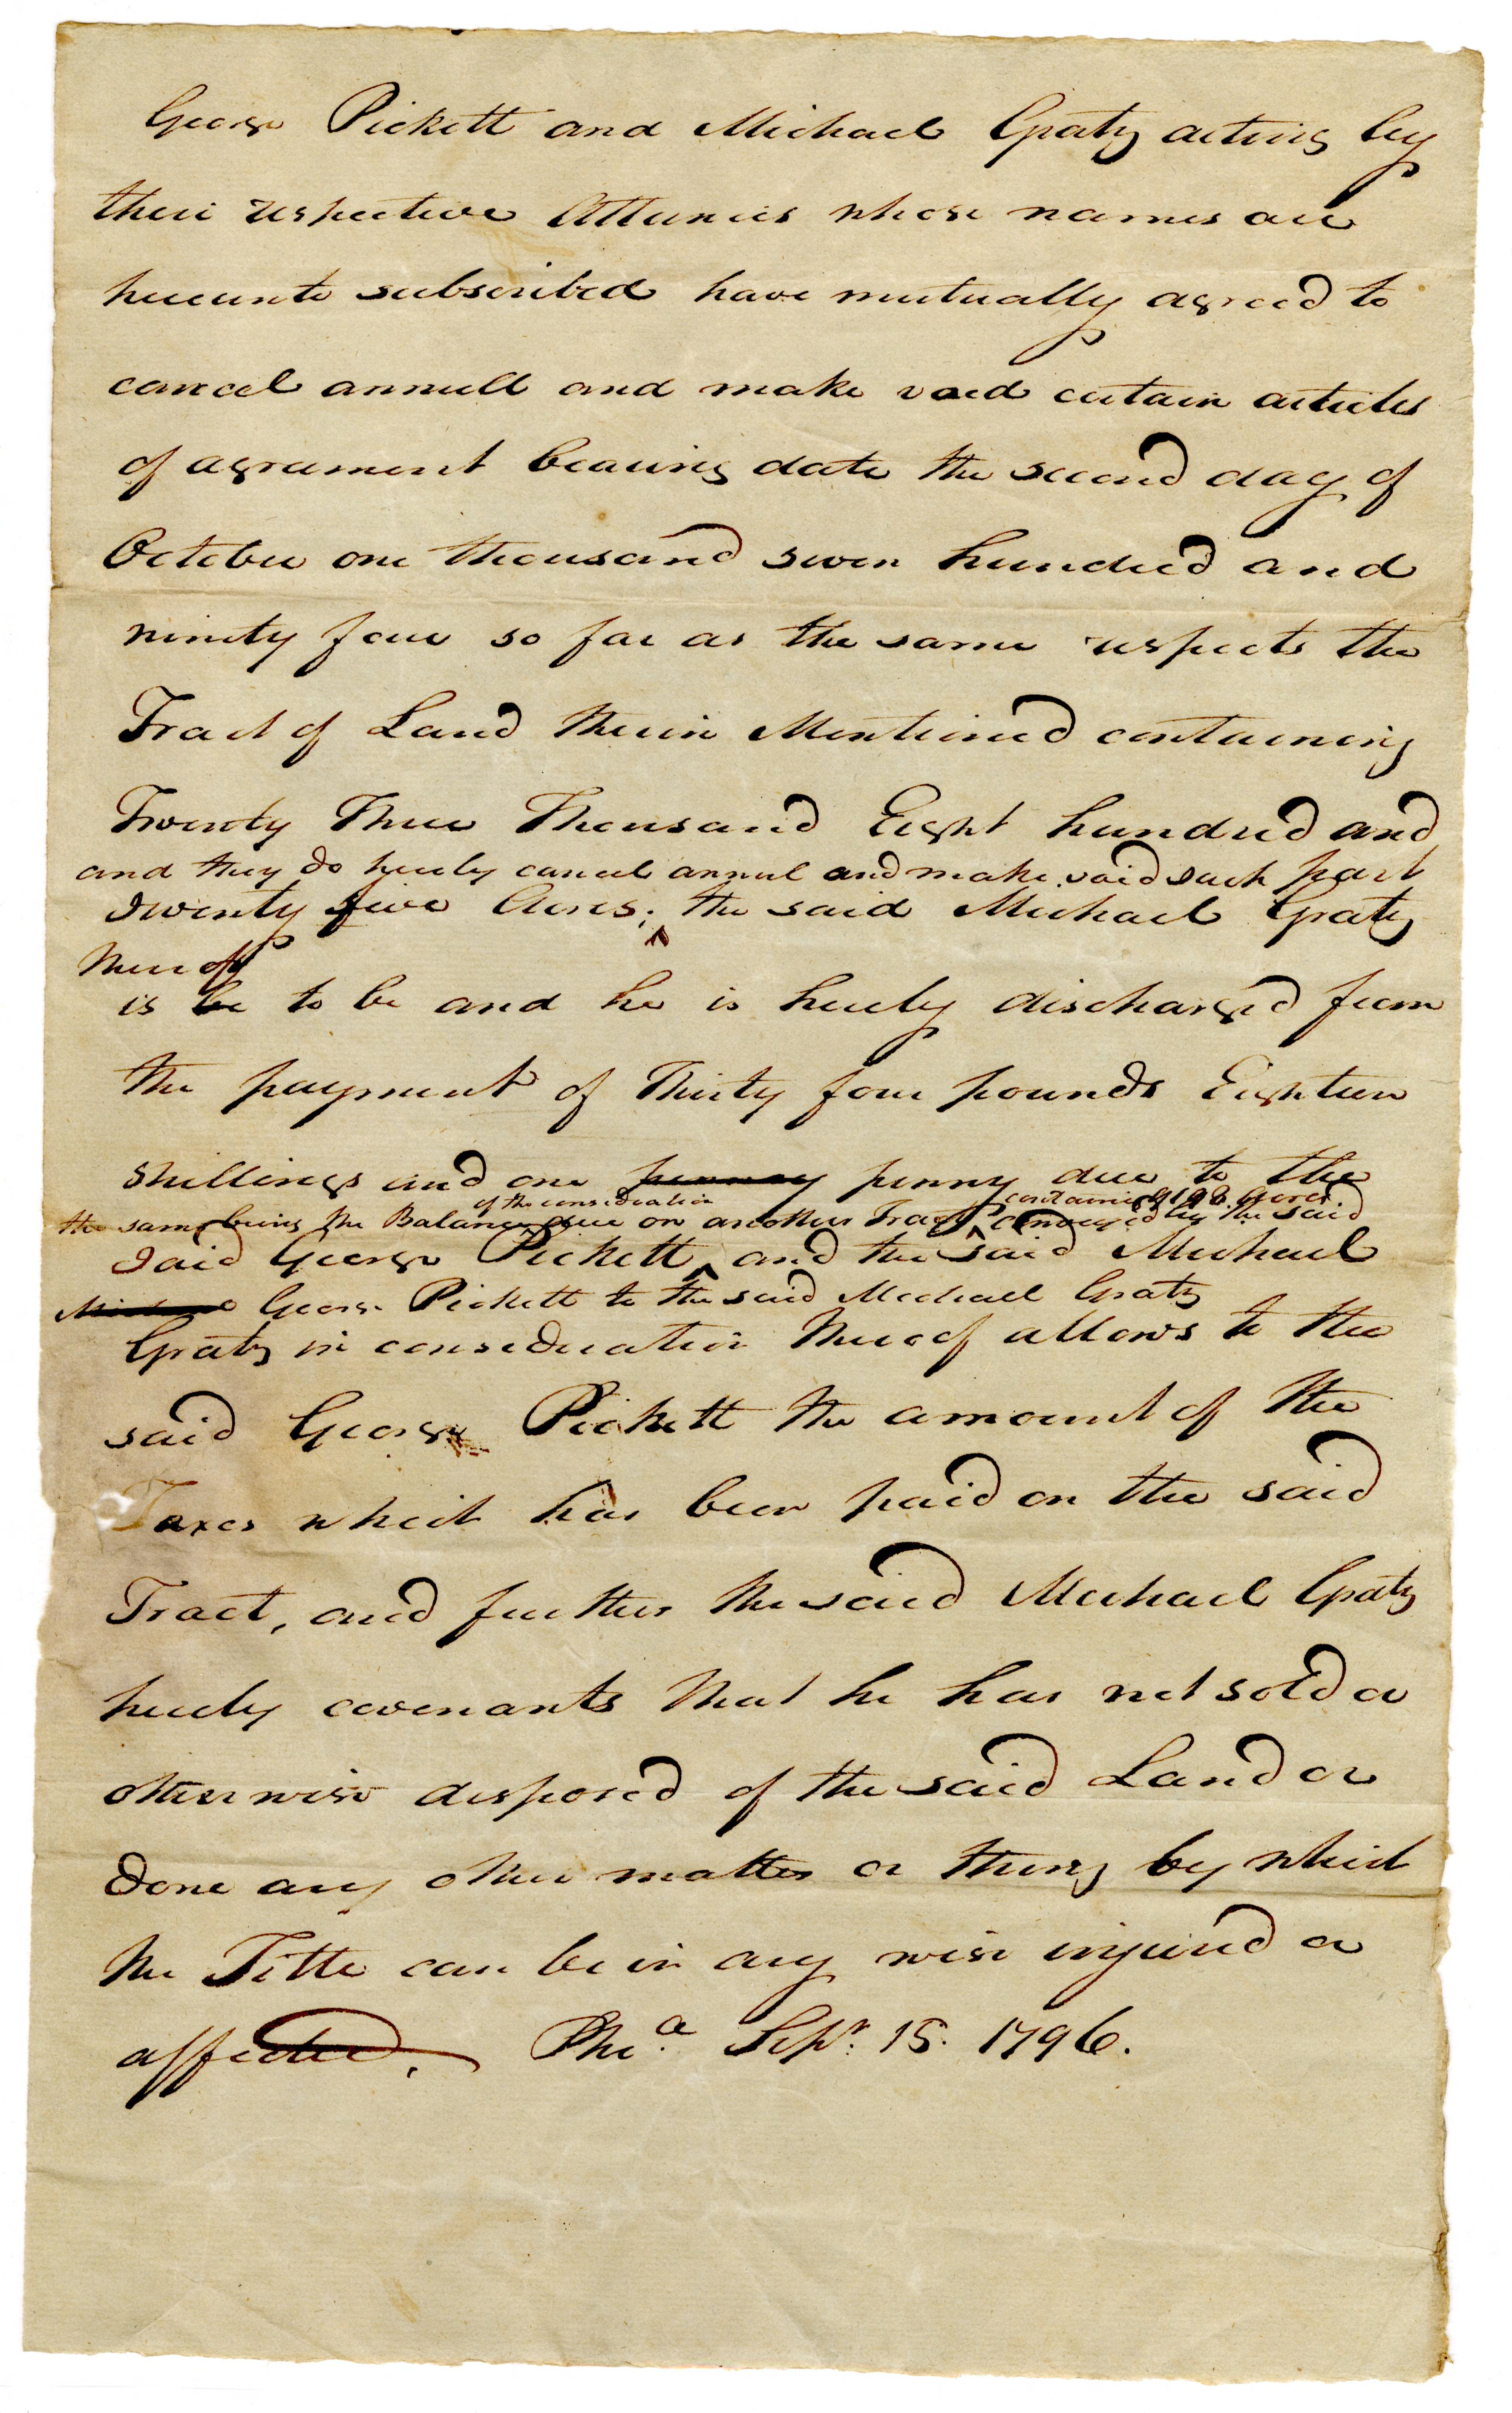George Pickett and Michael Gratz acting by
their respective Attunies whose names are
hereunto subscribed have mutually agreed to
cancel annull and make void certain articles
of agreement bearing date the second day of
October One Thousand seven hundred and
ninety four so far as the same suspects the
Tract of Land therein Mentioned containing
Forty Three thousand Eight hundred and
and they do here by cancel annul and make said such pact
Twenty five acres; the said Michael Gratz
there of
is be to be and he is hereby discharged from
the payment of thirty four pounds Eighteen
shillings and one [penney] penny due to the
containing 9198 acres
of the consideration
the same being the Balance ^ due on another Tract ^ conveyed by the said
said George Pickett ^ and tersuid Michael
[Michael] George Pickett to the said Michael Gratz
Gratz in consideration thereof allows to the
said George Pickett the amount of the
Taxes which has been paid in the said
Tract, and further the said Michael Gratz
hereby covenants that he has not sold or
otherwise disposed of the said Land or
done any other matter or thing by which
the Title can be in any wise injured or
affected. Phi^a. Sep^r: 15. 1796.